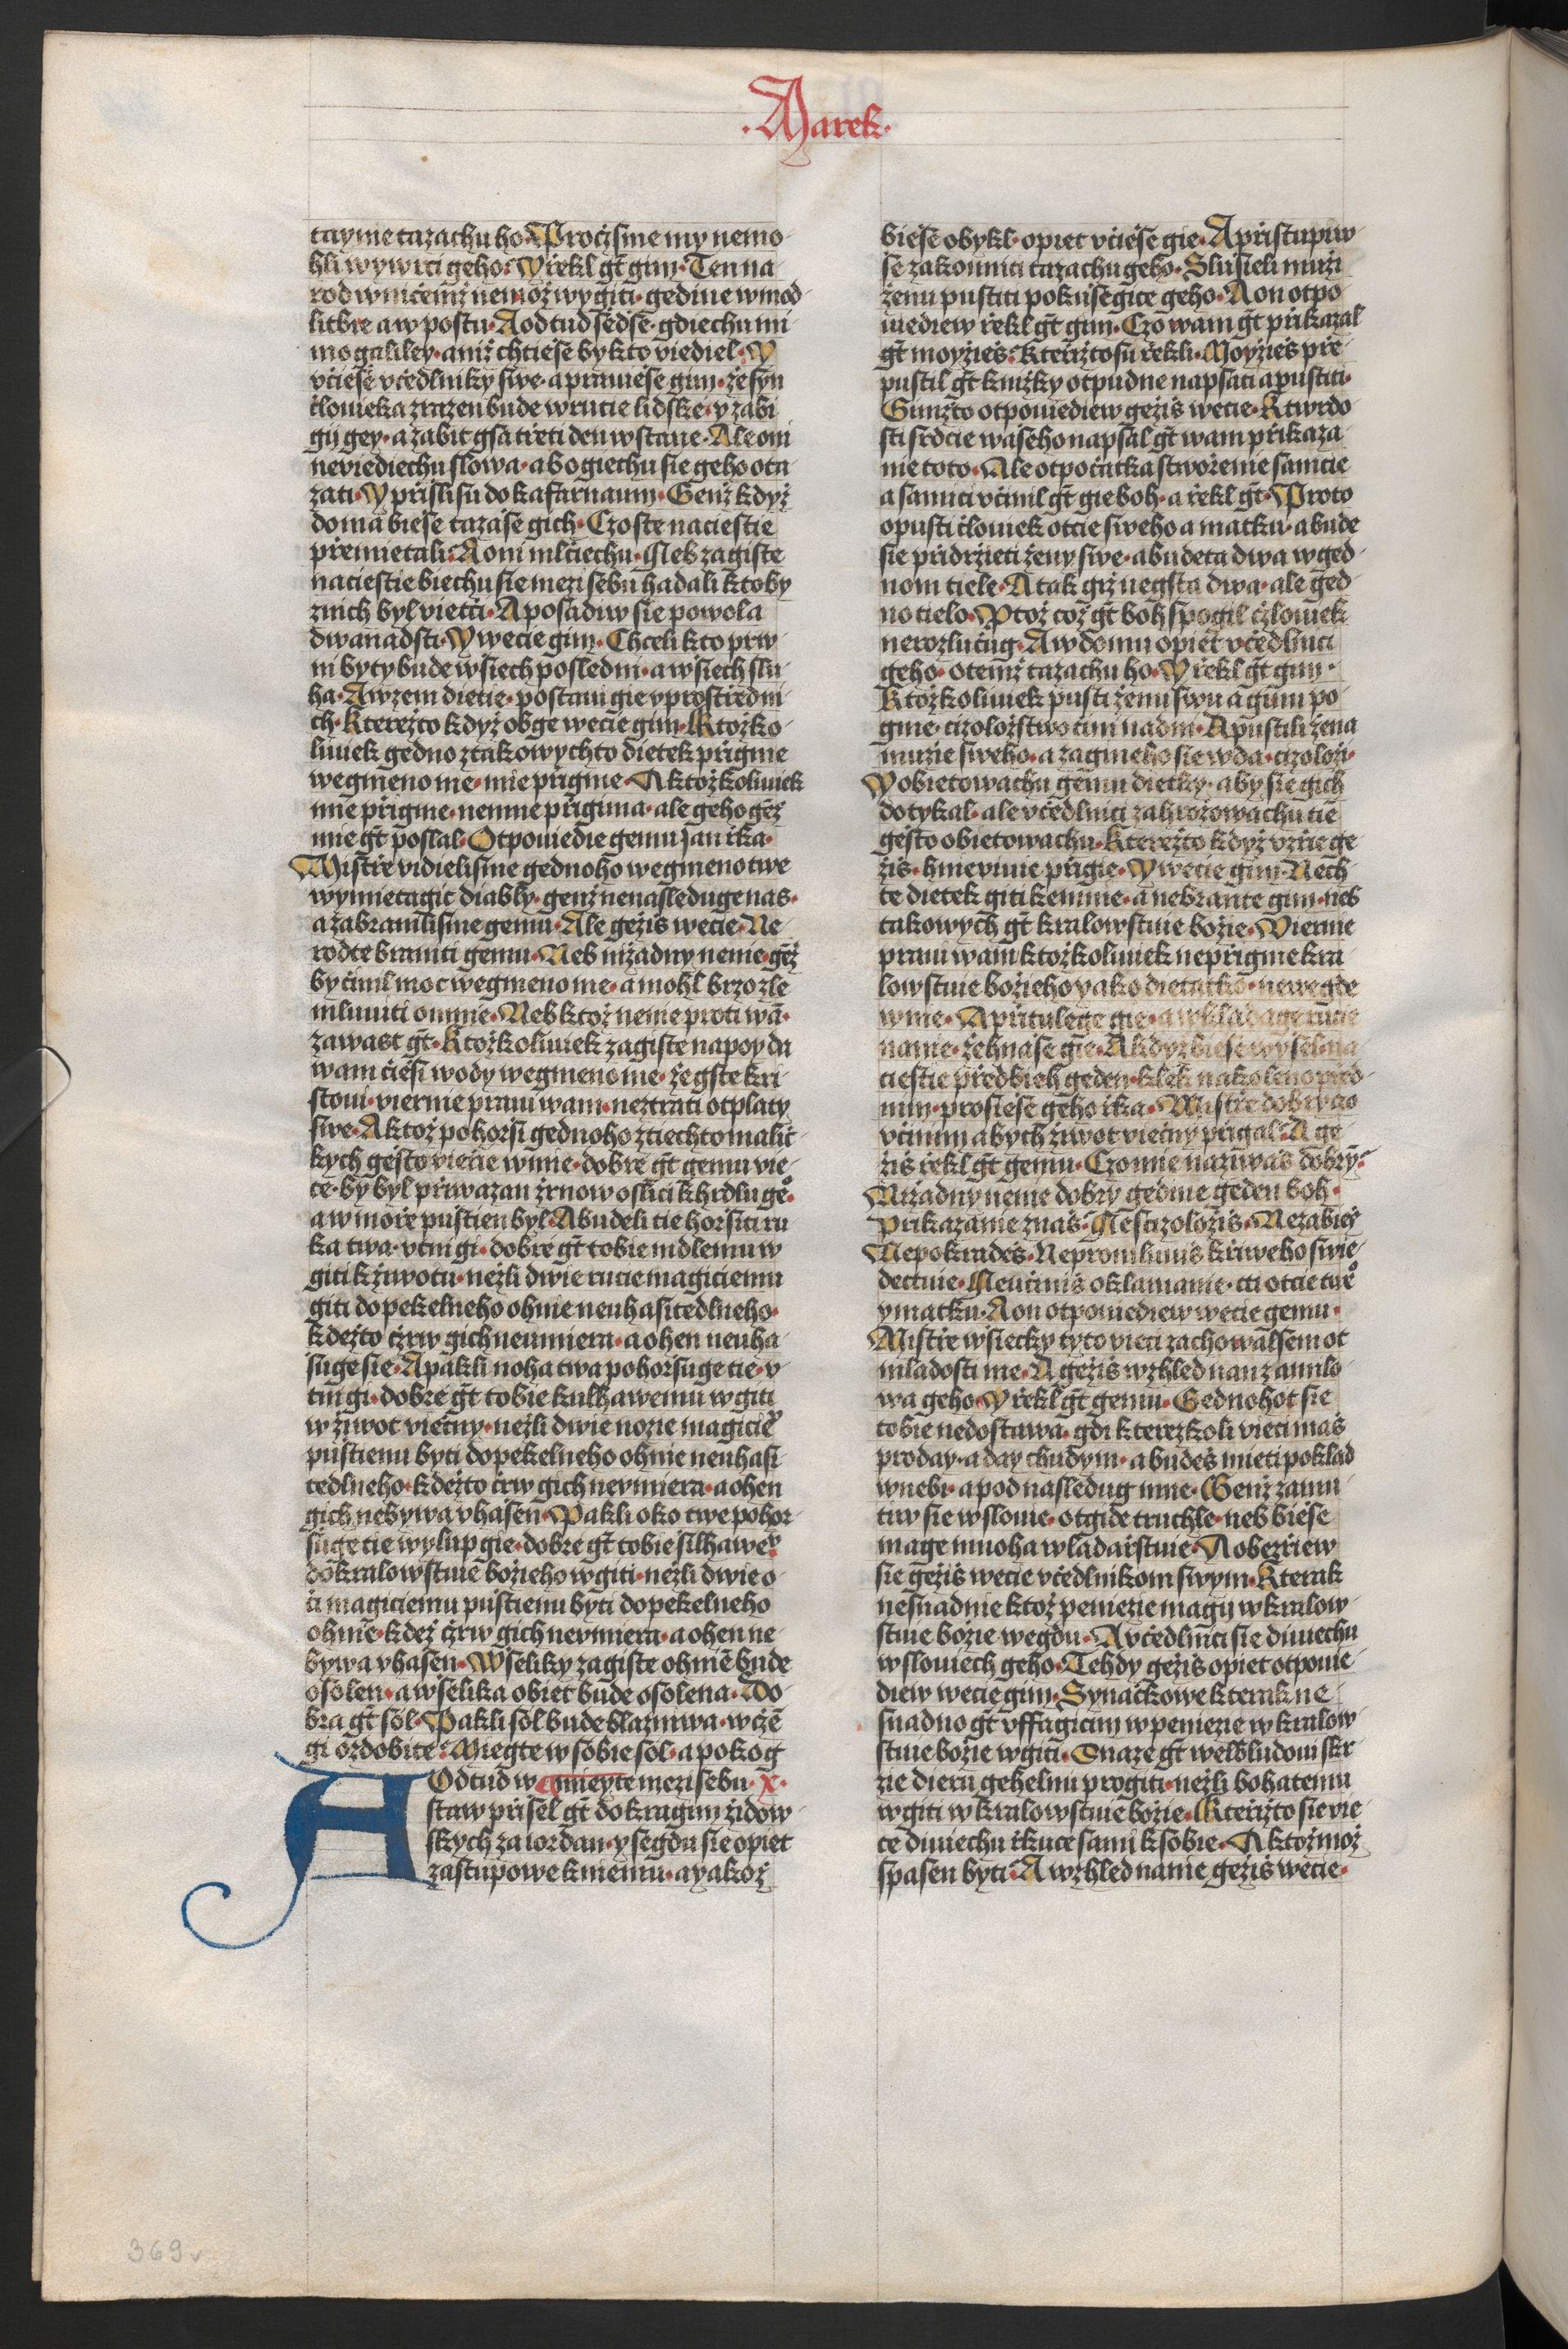.Marek.
tayme tazachu ho. Procż ſme my nemo¬
hli wywrci geho? Y rekl ḡt gím.Ten na¬
rod.w niċemż nemoż wygiti.gedine wmod¬
litbe a w poſtu.A odtud ẛedẛe.gdíechu mi¬
mo galiley.aníž chtíeẛe by kto viediel.Y
vċíeẛe vċedlníky ſwe.a prauíeẛe gím że ſyn
ċlouieka zrazen bude vrutíe lidſke.y zabi¬
gij gey.a zabit gſa tṙetí den wſtane. Ale oni
nevíedíechu ſlowa.a bogíechu ſie geho ota¬
zati.Y pṙiẛli ſu do kafarnaum.Genż kdyż
doma bieẛe tazaẛe gich.Czoſte na cieſtie
pṙemietali.A oni mlċíechu.Neb za gíſte
na cíeſtie bíechu ſie mezí ſebu hadali ktoby
z ních byl víetċí. A poſadiw ſie powola
dwanadſtí.Y wecie gim.Chceli kto prw¬
ní byty bude wẛiech poſlední.a wẛiech ſlu¬
ha.A wzem díetie.poſtaui gíe vproſtṙední¬
ch.Ktereżto kdyż obge wecíe gím.Ktotoż ko¬
liuiek gedno ztakowychto díetek pṙigme
wegmeno me.mie přigme.A ktożkoliuiek
mie pṙigme.ne mnie pṙigma.ale geho gēż
míe ḡt poſlal.Otpouiedíe gemu Ian ṙka.
Míſtṙe vidieli ſme gednoho wegmeno twe
wymíetaigíc diably.genż nenaſleduge nas.
a żabariliẛnie gemu.Ale geżiṡ wecie. Ne¬
rodte braniti gemu. Neb niżadny neníe gēż
by ċinil moc we gmeno me.a mohl brzo zle
mluuiti onmíe.Neb ktoż neníe proti wā.
zawast ḡt.Ktožkoluiek zagiſté napoy da¬
wam ċieẛi wody wegme me.że gſte kri¬
ſtoui.vernie prauui wam.neztrati otplaty
ſwe.A ktoż pohorẛi gednoho ztíechto maliċ¬
kych geẛto vieċíe vmie.dobre ḡt gemu víe¬
te.by byl pṙiwazan żrnow oſlicí k hrdlu geo.
a w moṙe puẛtíen byl.A budeli tíe horẛiti ru¬
ka twa.vtni gi. dobré ḡt tobie mdlemu w¬
giti k żiwotu.neżli dwie rucie magicíemu
gíti dopekelneho ohníe neuhaſitedlneho.
kdeżto cżrw gich neumíera. a ohen neuha¬
ẛuge ſie. A pakli noha twa pohorſuge tie.v
tni gí. dobré ḡt tobie kulhavemu wgíti
w.żiwot vieċny.neżli dwie nozíe magiciev
puẛtienu byti do pekelneho ohnie neuhaſi¬
tedlneho. kdeżto ċrw gich nevmíera.a ohen
gich nebywa vhaẛen.Pakli oko twe pohor¬
ẛuge tie wylup gie.dobre ḡt tobie ẛilhawev.
do kralowſtuie bożieho wgíti.neżli dwie o¬
či magicíemu puẛtienu byti dopekelneho
ohniē. kdež cżrw gích nevmíera.a ohen ne¬
bywa vhaſen.Wẛeliky zagiſte ohniē bude
oſolen.a wẛelika obiet bude oſolena.Do¬
bra ḡt ſol.Pakli ſol bude blazniwa.w cżē
gi ozdobite? Miegte w ſobie ſól.a pokog¬
Odtud w ,oeyte mezí ſebu. x.
ſtraw pṙiẛel ḡt dokragini żidow¬
ſkych za iordan. y ſegda ſie opiet
zaſtupowe k niemu.ayakoż
bíeẛe obykl.opiet vċieẛe gie.A pṙiſtupiw
ſe zakonnici tazachu geho.Sluẛieli mużi
żenu puſtiti pokuẛegíce geho. A on otpo¬
uiediew ṙekl ḡt gím.Czo wam ḡt pṙikazal
ḡt moyżíeṡ?Kteṙíżto ſu ṙekli.Moyżíeṡ pṙe¬
puſtil ḡt knížky otpudne napſati a puſtiti.
Gimžto otpouiediew geżíṡ wecie.K twrdo¬
ſti ſrdcie waẛeho napſal ḡt wam pṙikaza¬
níe toto.Ale otpoċatka ſtwoṙeníe ſamcie
a ſamiti vċinil ḡt gíe boh.a ṙekl ḡt.Proto
opuſtí ċlouiek otcíe ſweho a matku.a bude
ſie pṙidrżieti żeny ſwe.a budeta dwa wged¬
nom tiele. A tak giž negſta dwa.ale ged¬
no tielo.Ꝓtož coż ḡt boh ſpogil cżlouiek
nerozluċug.A w domu opiet vċedlnici
geho.otemiž tazachu ho.Y ṙekl ḡt gim.
Ktož koliuiek puſti żenu ſwu a jinu po¬
gme.cizoložſwto ċini nadní.A puſtili żena
mužie ſweko.a za gineho ſe wda.cizolożí
Y obietovachu gemu dietkey.aby ẛie gich
dotykal.ale vċedlnici zahrožowachu tiē
geẛto obietowachu.Ktereżto když vzṙie ge¬
żiṡ.hneviuie pṙigie.Y wecie gím.Nech¬
te dietek giti kemnie.a nebrante gim.neb
takowých ḡt kralowſtuíe božie.Viernie
praui wam ktoż koliuiek nepṙigme kra¬
lowſtuíe bożíeho yako díetako newegde
w níe. A pritulege ge a.xý.Ki ſ
na níe žehnaẛe gie. A kdyż bíeſe wyſel na
cieſtíe. pṙedbieh geden klek na koleno pṙed
ním. Proſíeẛe geho ṙka. Miſtṙe dobry co
vċinim abych żiwot vieċný pṙigal.A ge¬
żíṡ ṙekl ḡt gemu.Czo míe naziwaš dobrȳ?
Nizadny.neníe dobry gedine geden boh.
Prikazanie znaš? Neſcizolażiṡ.Nezabieṡ
Nepokradeṡ.Nepromluviṡ kṙiveko ſwie¬
dectuíe.Neuċiniṡ oklamaníe.cti otcie tweo
y matku. A on otpouiediew wecie gemu.
MIſtṙe wẛiecky tyty vieci zachowal ſem ot
mladoſti me.A geżiṡ wzhled nan zamilo¬
wa geho.Y ṙekl ḡt gemu Gednohot ſie
tobie nedoſtawa gdi kterezkoli wieci maṡ¬
proday.a day chudym.a budeṡ míeti poklad
wnebi a pod naſledug mne.Genż zamu¬
tiw ſie w ſlouie.otgide trutchle.neb bíeẛe¬
mage mnoha wladaṙſtuíe.A obezṙíew
ſie geżíṡ vecie vċedlnikom ſwym.Kterak
neſnadnie ktoż penezíe magij w kralow¬
ſtuíe bożíe wegdu. A vċedlnici ſie diuiechu
w ſlouíech geho.Tehdy geżiṡ opiet otpouie¬
diew weċie gim.Synaċkowe kterak ne¬
ſnadno ḡt vffagícím w peniezie w kralow¬
ſtuie bożíe wgíti.Snaze ḡt welbludoui ſkr¬
zie dieru gehelnu progiti.neżli bohatemu
wgiti w kralowſtuie bożíe.Kteṙiżto ſie víe¬
ce diuíechu ṙkuce ſami k ſobie. A ktož mož
ſpaſen byti? A wzhled naníe geżiṡ wecie.